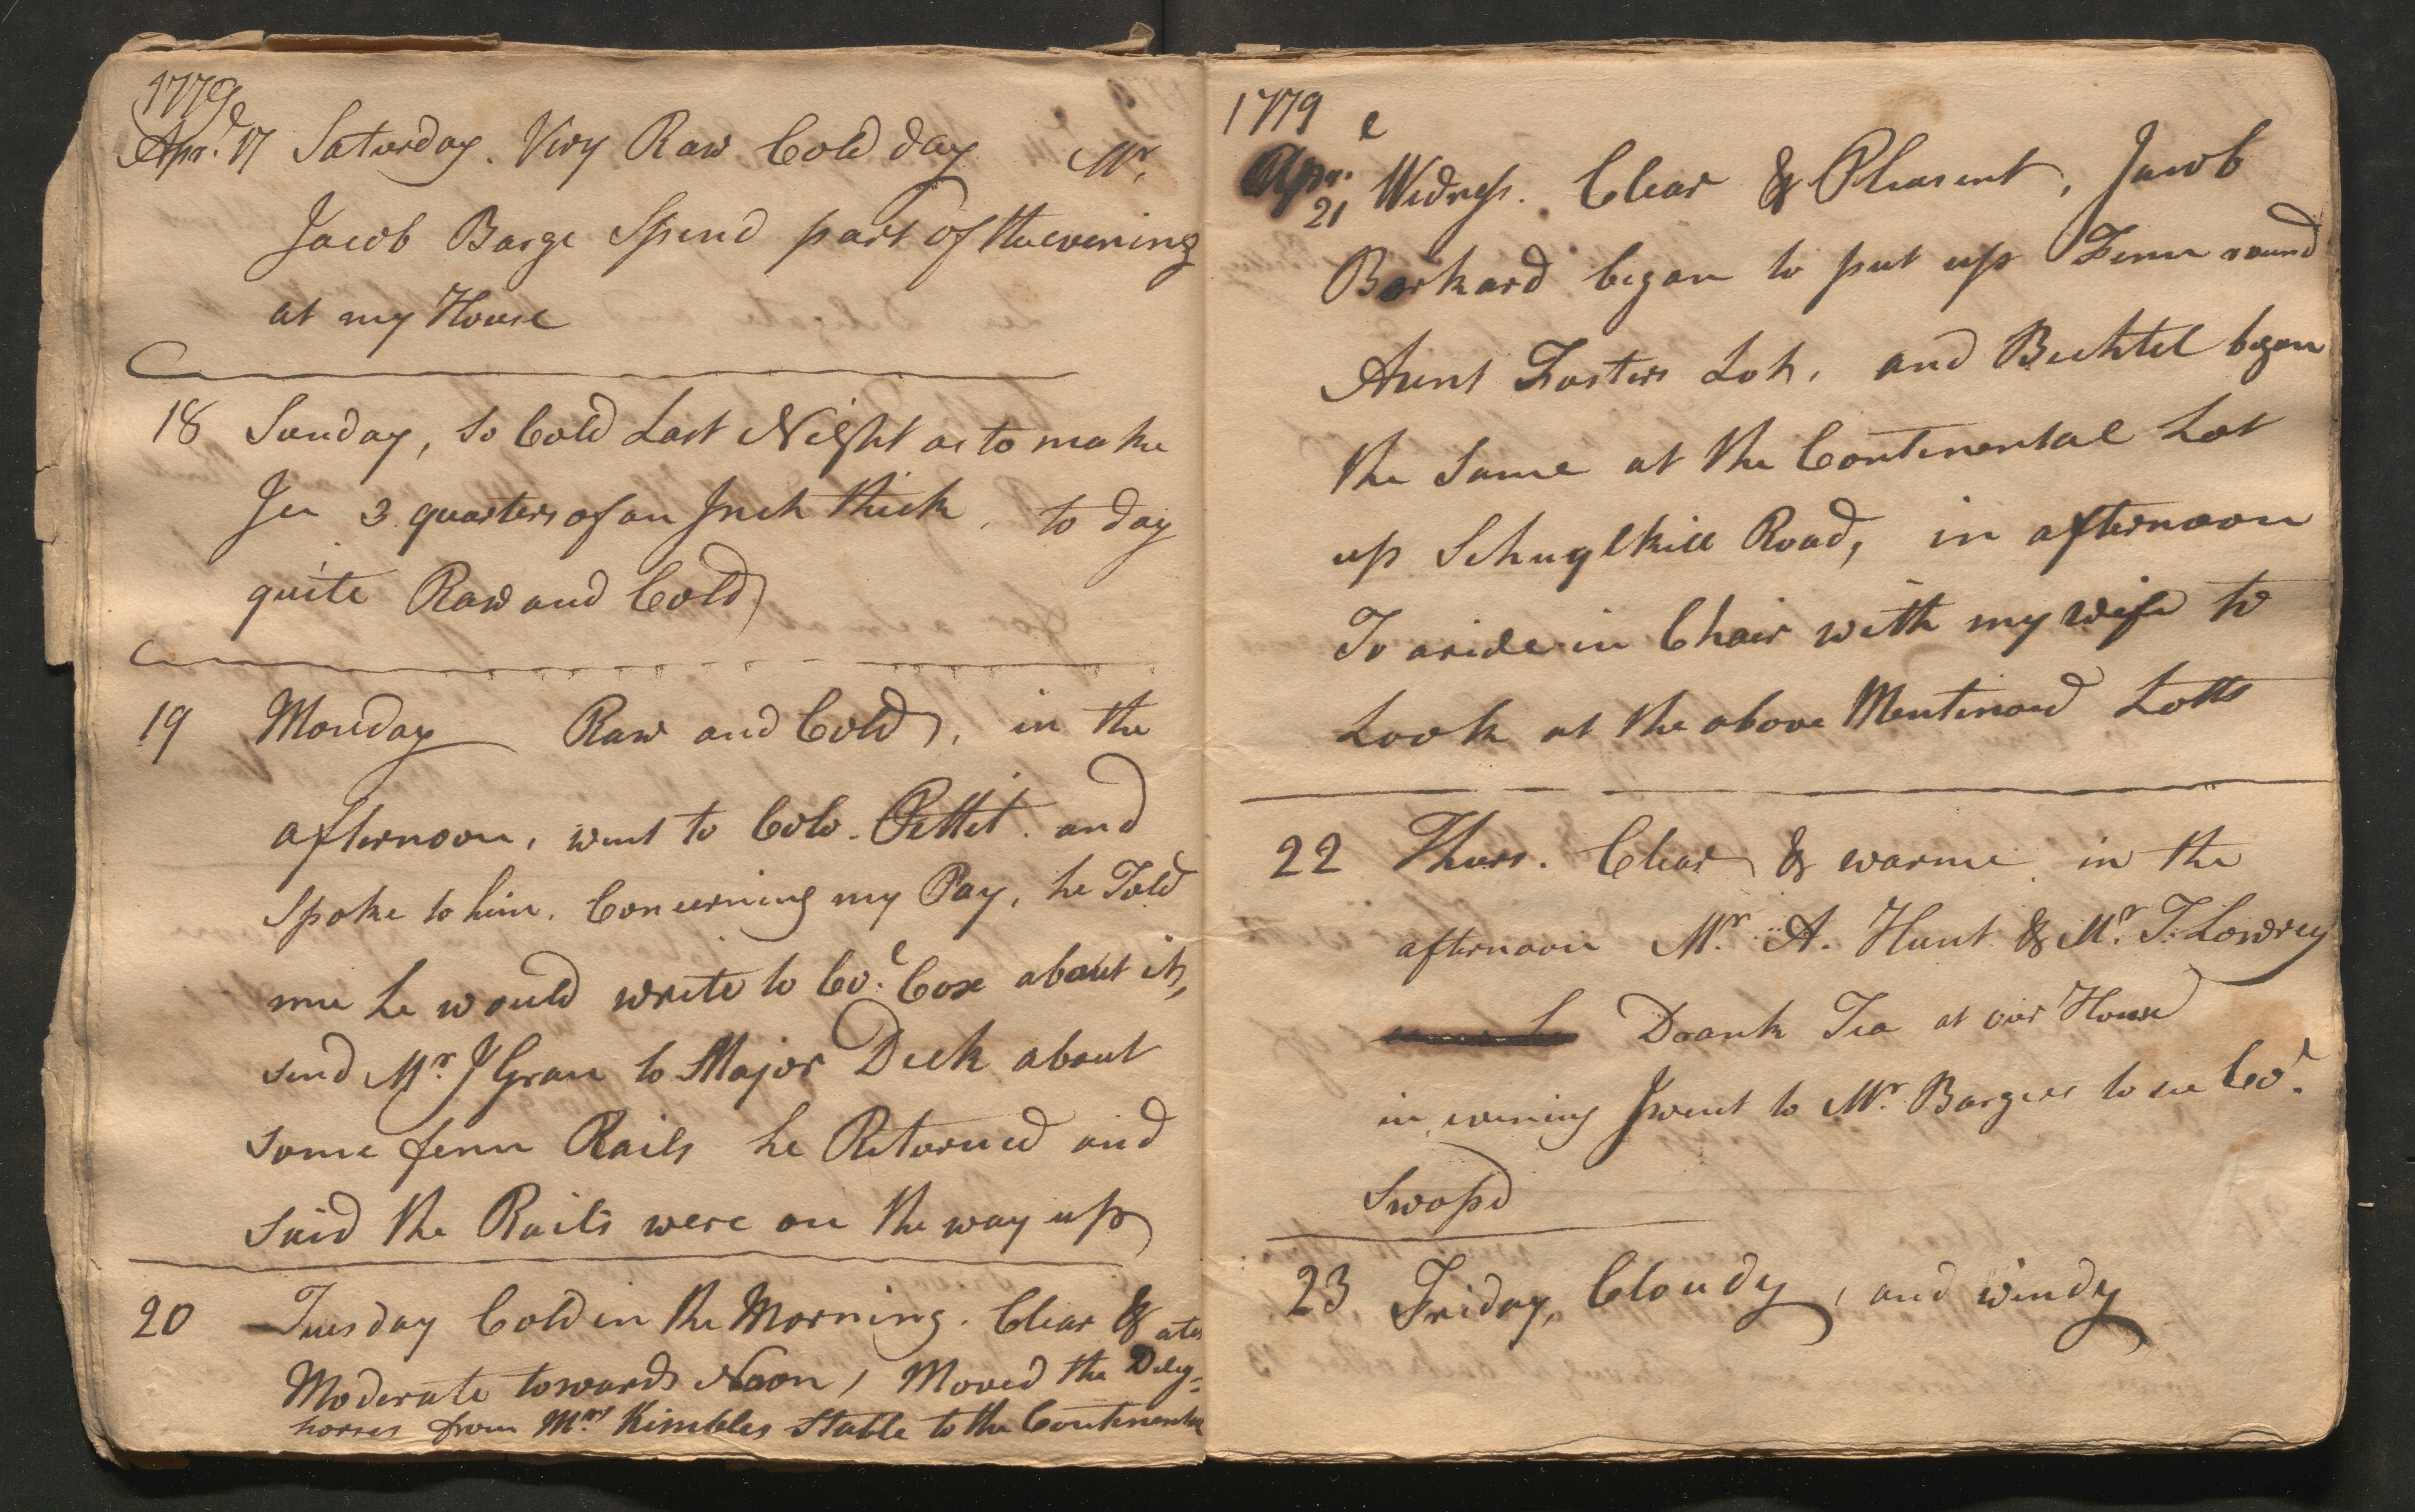1779
Apr^l. 17 Saturday. Very Raw Cold day
M^r.
Jacb Barge spend part of the evening
at my House
18 Sunday, so Cold Last Night as to make
Ice 3 quarters of an Inch thick, to day
quite Raw and Cold
19 Moreday- Raw and Cold. in the
afternoon, went to Cole. Pettit and
spoke to him. Concerning my Pay, he Told
me he would write to Co^l. Cox about it
send M^r. J Gram to Major Deck about
some fenn Rails he Returned and
said the Rails were on the way up
20 Tuesday Cold in the Morning. Clear &
ates
Moderate towards Noon, Moved the Deleg-
hores frou M^r. Kimbles Stable to the Continental
1779
Apr^l 21 Wedness. Clear & Pleasent, Jacob
Borkard began to put up Fence round
Aunt Fosters Lot, and Bechtel began
the Same at the Continental Lot
up Schuylkill Road, in afternoon
To a ride in Chair with my wife to
Look at the above Mentiond Lotts
22 Thurs. Clear & warme in the
afternoon M^r. A. Hunt & M^r. T. Lowrey
[______] Drank Tea at our House
in evening I went to M^r. Barges to see Co^l.
Swoped
23 Friday Cloudy, and windy